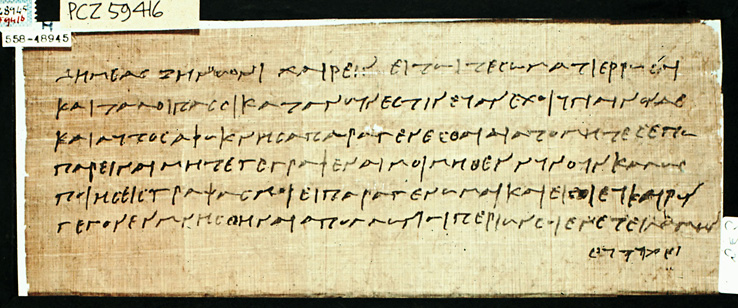δημεαϲ ζηνωνι χαιρειν ειτωιτεϲωματιερρωϲαι
καιταλοιπαϲοικατανουνεϲτινευανεχοιυγιαινονδε
καιαυτοϲαφωκνηϲαπαραγενεϲθαιδιατομητεϲεπω
παρειναιμητεγεγραφεναιμοιμηθεννυνουνκαλωϲ
ποιηϲειϲγραψαϲμοιειπαραγενωμαικαιειϲοιευκαιρον
γεγονενμνηϲθηναιαπολλωνιωιπεριωνϲοιενετειλαμην
ευτυχει